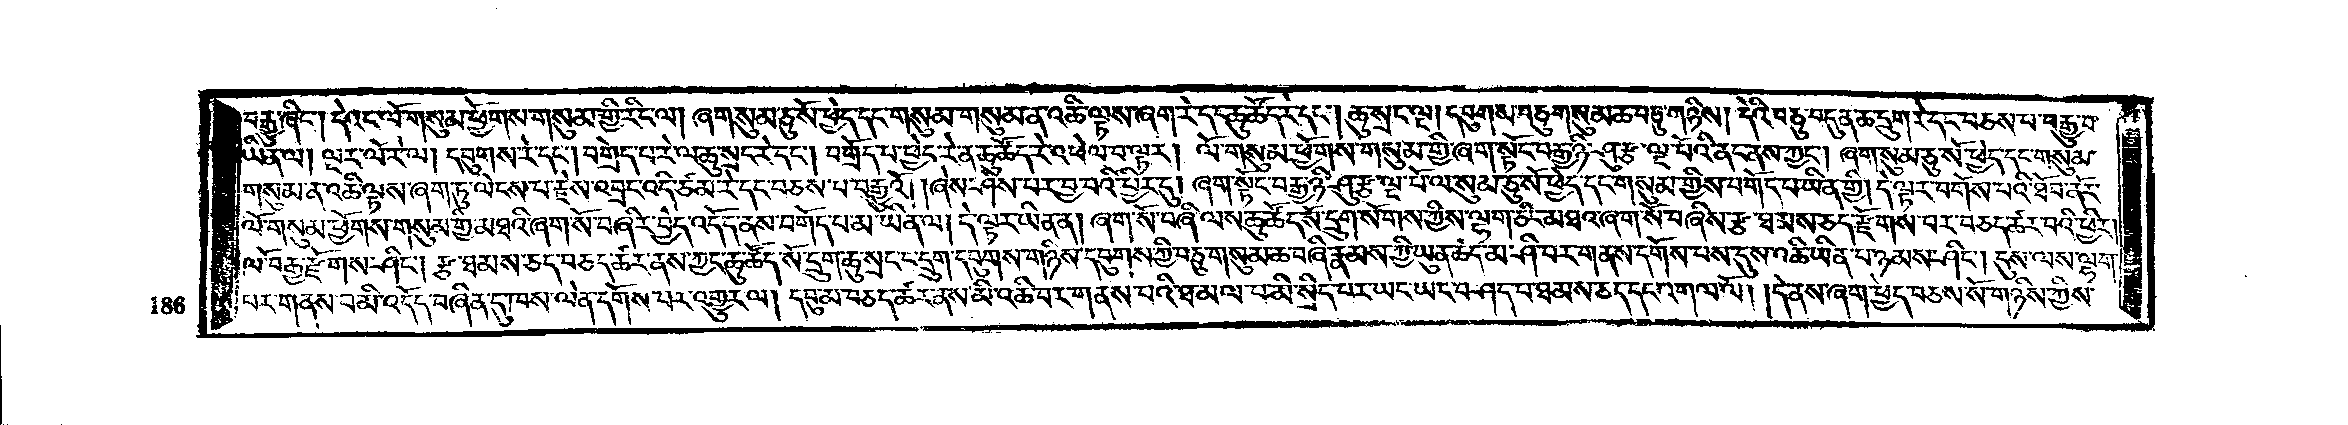བརྒྱུ་ཞིང་། དེའང་ལོ་གསུམ་ཕྱོགས་གསུམ་གྱི་རིང་ལ། ཞག་སུམ་ཅུ་སོ་ཕྱེད་དང་གསུམ་གསུམ་ན་འཆི་ལྟས་ཞག་རེ་དང་ཆུ་ཚོད་རེ་དང་། ཆུ་སྲང་ལྔ། དབུགས་བཅུ་གསུམ་ཆ་བཅུ་གཉིས། དེའི་བཅུ་བདུན་ཆ་དྲུག་རེ་དང་བཅས་པ་བརྒྱུ་བ་
ཡིན་ལ། ལྔར་ལོ་རེ་ལ། དབུགས་རེ་དང་། བགྲོད་པ་རེ་ལ་ཆུ་སྲང་རེ་དང་། བགྲོད་པ་ཕྱེད་རེ་ན་ཆུ་ཚོད་རེ་འཕེལ་བ་ལྟར། ལོ་གསུམ་ཕྱོགས་གསུམ་གྱི་ཞག་སྟོང་བརྒྱ་ཉི་ཤུ་རྩ་ལྔ་པོའི་ནང་ནས་ཀྱང་། ཞག་སུམ་ཅུ་སོ་ཕྱེད་དང་གསུམ་
གསུམ་ན་འཆི་ལྟས་ཞག་ཏུ་ལོངས་པ་རྗེས་འབྲང་འདི་ཙམ་རེ་དང་བཅས་པ་བརྒྱུའོ། །ཞེས་ཤེས་པར་བྱ་བའི་ཕྱིར་དུ། ཞག་སྟོང་བརྒྱ་ཉི་ཤུ་རྩ་ལྔ་པོ་ལ་སུམ་ཅུ་སོ་ཕྱེད་དང་གསུམ་གྱིས་བགོད་པ་ཡིན་གྱི། དེ་ལྟར་བགོས་པའི་ཐོབ་ནོར་
ལོ་གསུམ་ཕྱོགས་གསུམ་གྱི་མཐའི་ཞག་སོ་བཞིར་བྱེད་འདོད་ནས་བགོད་པ་མ་ཡིན་ལ། དེ་ལྟར་ཡིན་ན། ཞག་སོ་བཞི་ལས་ཆུ་ཚོད་སོ་དྲུག་སོགས་ཀྱིས་ལྷག་ཅིང་མཐའ་ཞག་སོ་བཞིས་རྩ་ཐམས་ཅད་རྫོགས་པར་བཅད་ཚར་བའི་ཕྱིར།
ལོ་བརྒྱ་རྫོགས་ཤིང་། རྩ་ཐམས་ཅད་བཅད་ཚར་ནས་ཀྱང་ཆུ་ཚོད་སོ་དྲུག་ཆུ་སྲང་བ་དྲུག་དབུགས་གཉིས་དབུགས་ཀྱི་བཅུ་གསུམ་ཆ་བཞི་རྣམས་ཀྱི་ཡུན་ཚད་མ་ཤི་བར་གནས་དགོས་པས་དུས་འཆི་ཡིན་པ་ཉམས་ཤིང་། དུས་ལས་ལྷག་
པར་གནས་པ་མི་འདོད་བཞིན་དུ་ཁས་ལེན་དགོས་པར་འགྱུར་ལ། དབུ་མ་བཅད་ཚར་ནས་མི་འཆི་བར་གནས་པའི་ཐ་མལ་པ་མི་སྲིད་པར་ཡང་ཡང་བཤད་པ་ཐམས་ཅད་དང་འགལ་ལོ། །དེ་ནས་ཞག་ཕྱེད་བཅས་སོ་གཉིས་ཀྱིས་